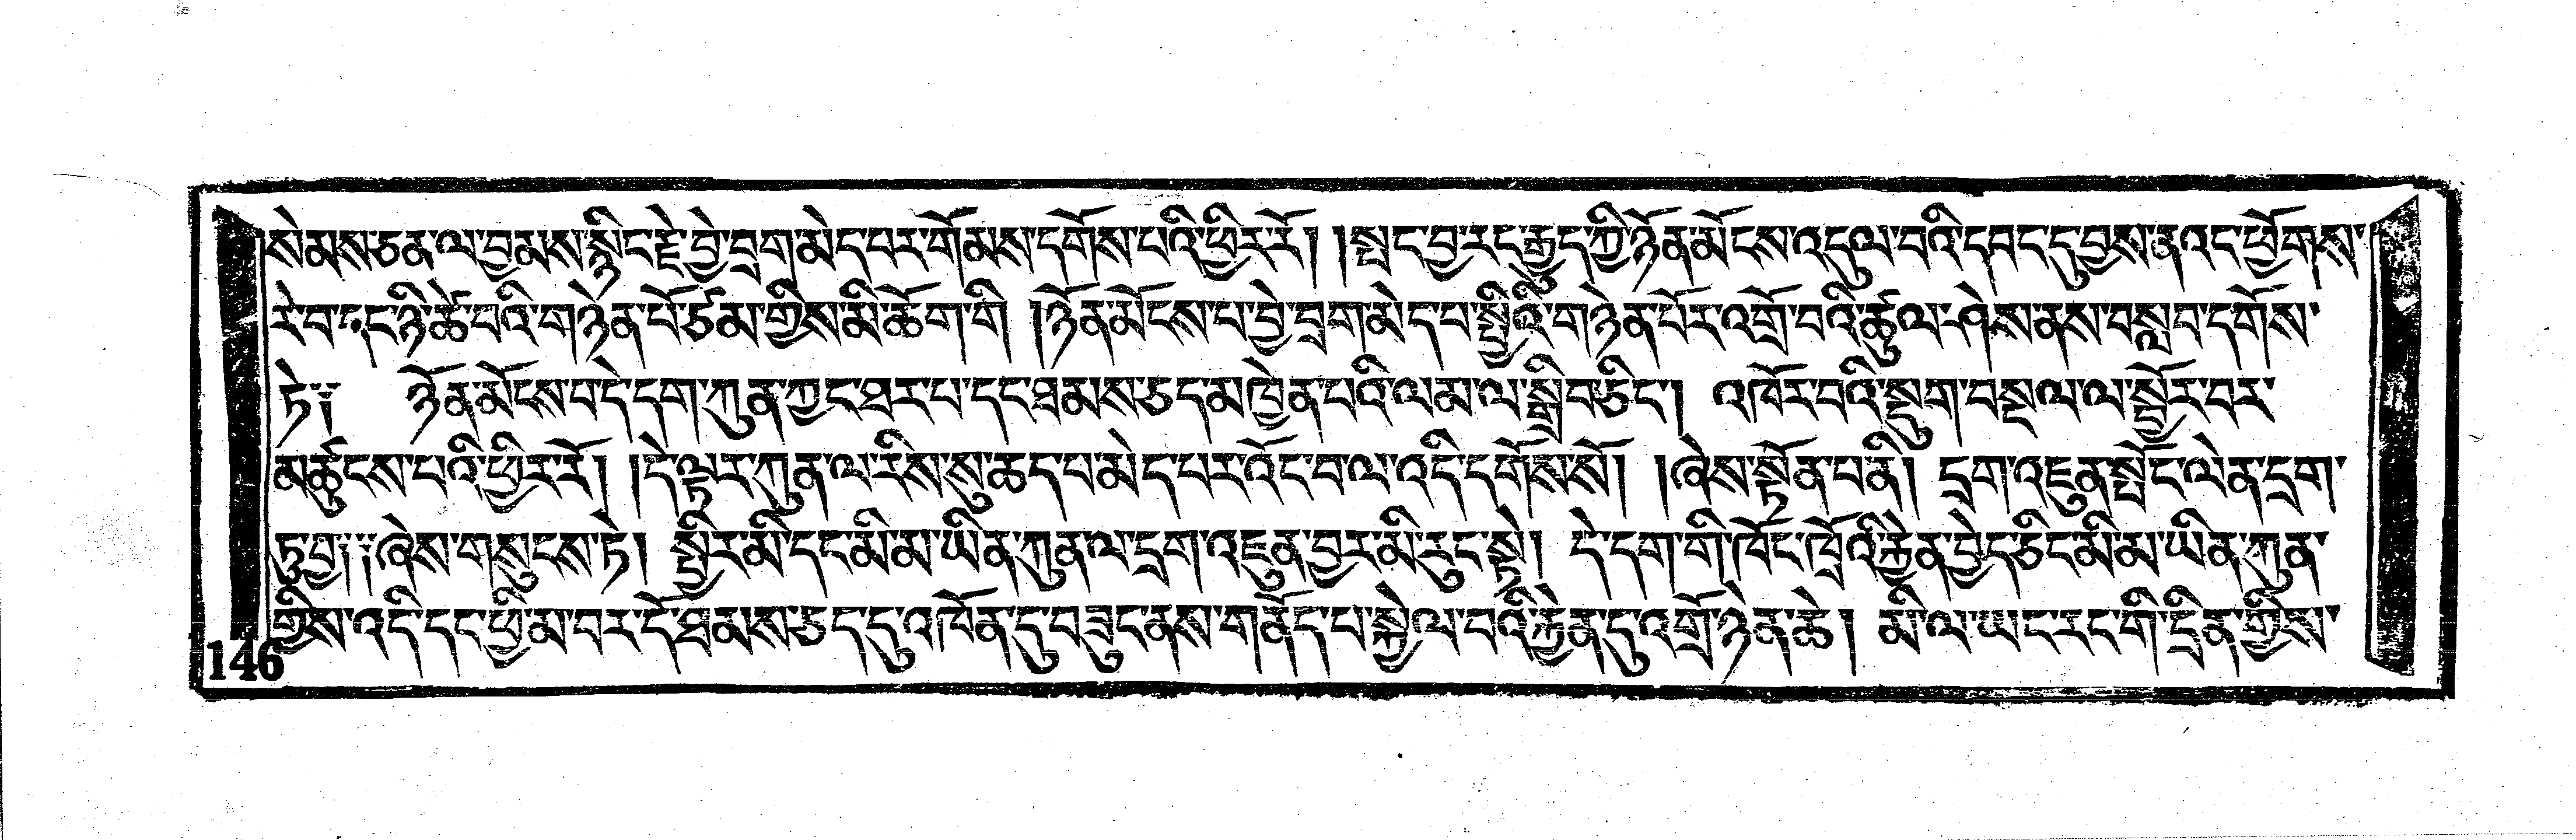སེམས་ཅན་ལ་བྱམས་སྙིང་རྗེ་བྱེ་བྲག་མེད་པར་གོམས་དགོས་པའི་ཕྱིར་རོ། །སྤང་བྱ་རང་རྒྱུད་ཀྱི་ཉོན་མོངས་འདུལ་བའི་དབང་དུ་བྱས་ནའང་ཕྱོགས་
རེ་བ་དང་ཉི་ཚེ་བའི་གཉེན་པོ་ཙམ་གྱིས་མི་ཆོག་གི །ཉོན་མོངས་པ་བྱེ་བྲག་མེད་པ་སྤྱིའི་གཉེན་པོར་འགྲོ་བའི་ཚུལ་ཤེས་ནས་བསླབ་དགོས་
ཏེ༑ ཉོན་མོངས་པ་དེ་དག་ཀུན་ཀྱང་ཐར་པ་དང་ཐམས་ཅད་མཁྱེན་པའི་ལམ་ལ་སྒྲིབ་ཅིང་། འཁོར་བའི་སྡུག་བསྔལ་ལ་སྦྱོར་བར་
མཚུངས་པའི་ཕྱིར་རོ། །དེ་ལྟར་ཀུན་ལ་རིས་སུ་ཆད་པ་མེད་པར་འོང་བ་ལ་འདི་དགོས་སོ། །ཞེས་སྟོན་པ་ནི། དྲག་འཇུན་སྤོང་ལེན་དྲག་
ཏུ་བྱ༑ ༑ཞེས་གསུངས་ཏེ། སྤྱིར་མི་དང་མི་མ་ཡིན་ཀུན་ལ་དྲག་འཇུན་བྱར་མི་རུང་སྟེ། དེ་དག་གི་ཁོང་ཁྲོའི་རྐྱེན་བྱེད་ཅིང་མི་མ་ཡིན་ཀུན་
གྱིས་འདི་དང་ཕྱི་མ་བར་དོ་ཐམས་ཅད་དུ་འཁོན་དུ་བཟུང་ནས་གནོད་པ་སྐྱེལ་བའི་རྐྱེན་དུ་འགྲོ་ཉེན་ཆེ། མི་ལ་ཡང་རང་གི་དྲིན་གྱིས་